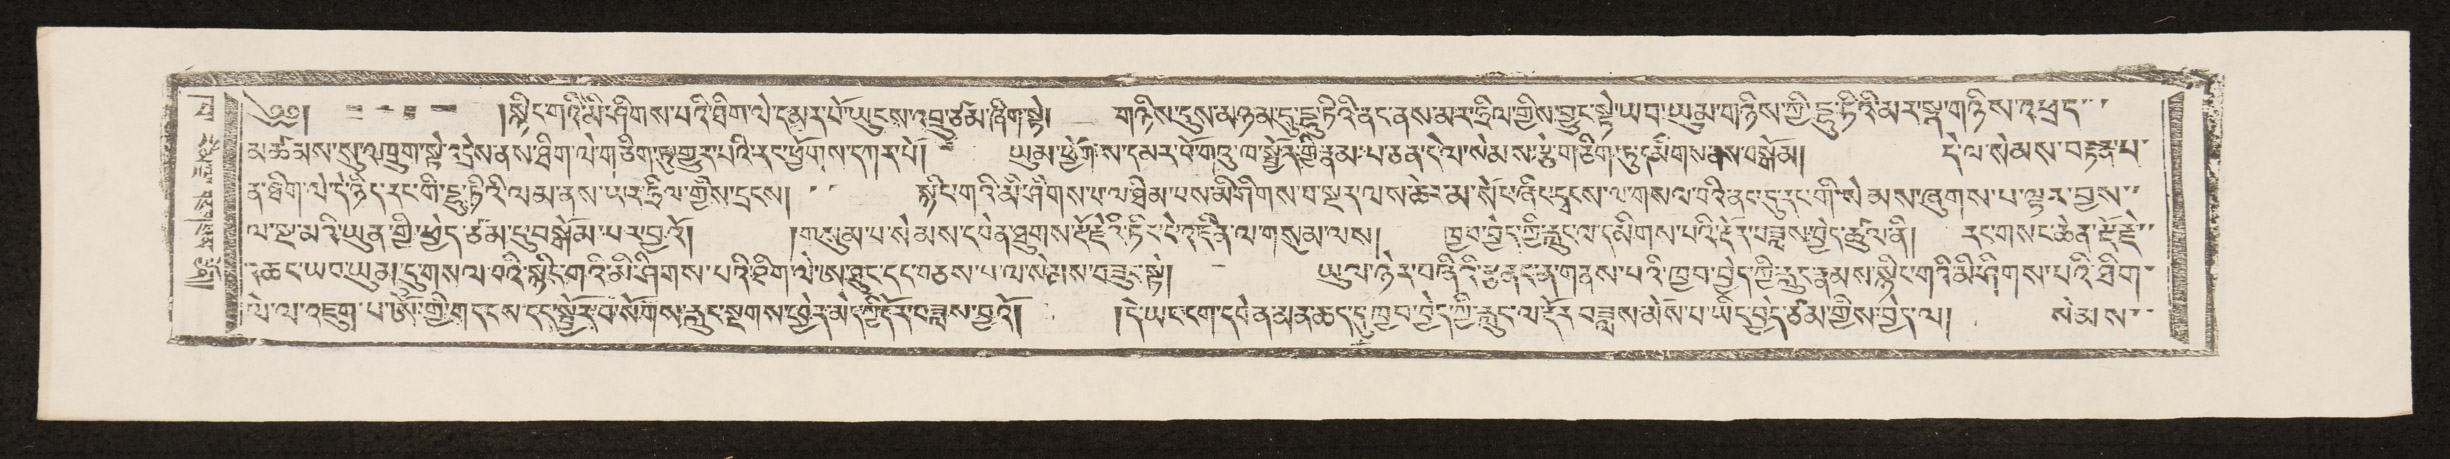༄༅། །སྙིང་གའི་མི་ཤིགས་པའི་ཐིག་ལེ་དམར་པོ་ཡུངས་འབྲུ་ཙམ་ཞིག་སྟེ། གཉིས་དུས་མཉམ་དུ་དྷུ་ཏིའི་ནང་ནས་མར་ཧྲིལ་གྱིས་བྱུང་སྟེ་ཡབ་ཡུམ་གཉིས་ཀྱི་དྷུ་ཏིའི་མར་སྣ་གཉིས་འཕྲད་
མཚམས་སུ་འཁྲུག་སྟེ་འདྲེས་ནས་ཐིག་ལེ་གཅིག་ཏུ་གྱུར་པའི་རང་ཕྱོགས་དཀར་པོ། ཡུམ་ཕྱོགས་དམར་པོ་གའུ་ཁ་སྦྱོར་གྱི་རྣམ་པ་ཅན་དེ་ལ་སེམས་རྩེ་གཅིག་ཏུ་དམིགས་ནས་བསྒོམ། དེ་ལ་སེམས་བརྟན་པ་
ན་ཐིག་ལེ་དེ་ཉིད་རང་གི་དྷུ་ཏིའི་ལམ་ནས་ཡར་ཧྲིལ་གྱིས་དྲངས། སྙིང་གའི་མི་ཤིགས་པ་ལ་ཐིམ་པས་མི་ཤིགས་པ་སྔར་ལས་ཆེར་མ་སོང་ཞིང་དྭངས་ལ་གསལ་བའི་ནང་དུ་རང་གི་སེམས་ཞུགས་པ་ལྟར་བྱས་
ལ་སྔ་མའི་ཡུན་གྱི་ཕྱེད་ཙམ་དུ་བསྒོམ་པར་བྱའོ། །གསུམ་པ་སེམས་དབེན་ཐུགས་རྡོ་རྗེའི་ཏིང་ངེ་འཛིན་ལ་གསུམ་ལས། ཁྱབ་བྱེད་ཀྱི་རླུང་ལ་དམིགས་པའི་རྡོར་བཟླས་བྱེད་ཚུལ་ནི། རང་གསང་ཆེན་རྡོ་
རྗེ་འཆང་ཡབ་ཡུམ་དུ་གསལ་བའི་སྙིང་གའི་མི་ཤིགས་པའི་ཐིག་ལེ་ཨ་ཐུང་དང་བཅས་པ་ལ་སེམས་བཟུང་སྟེ། ཡུལ་ཉེར་བཞིའི་རྩ་ནང་ན་གནས་པའི་ཁྱབ་བྱེད་ཀྱི་རླུང་རྣམས་སྙིང་གའི་མི་ཤིགས་པའི་ཐིག་
ལེ་ལ་འཇུག་པ་ཨོཾ་གྱི་གདངས་དང་སྦྱོར་བ་སོགས་རླུང་སྔགས་དབྱེར་མེད་ཀྱི་རྡོར་བཟླས་བྱའོ། །དེ་ཡང་ངག་དབེན་མན་ཆད་དུ་ཁྱབ་བྱེད་ཀྱི་རླུང་ལ་རྡོར་བཟླས་མོས་པ་ཡིད་བྱེད་ཙམ་གྱི་ས་བྱེད་ལ། སེམས་